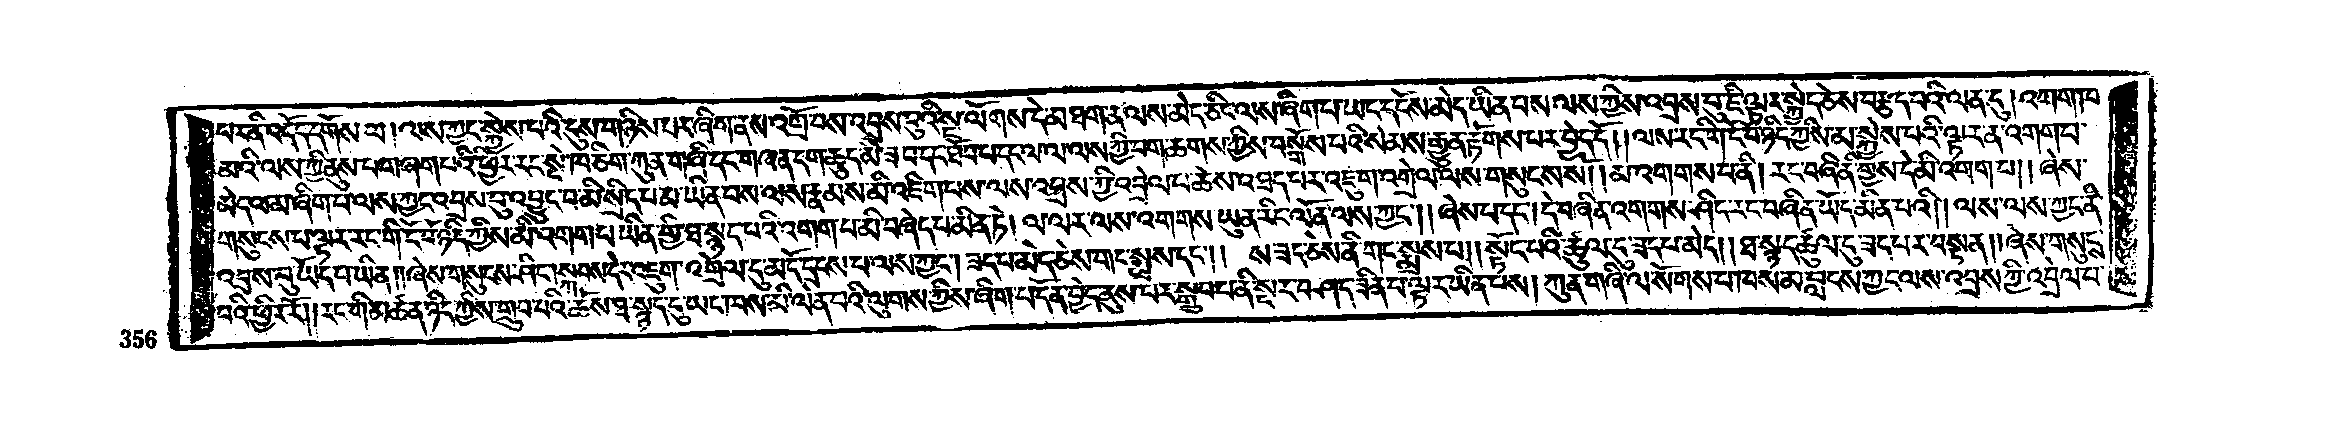པར་ནི་འདོད་དགོས་ལ། ལས་ཀྱང་སྐྱེས་པའི་དུས་གཉིས་པར་ཞིག་ནས་འགྲོ་བས་འབྲས་བུའི་སྔ་ལོགས་དེ་མ་ཐག་ན་ལས་མེད་ཅིང་ལས་ཞིག་པ་ཡང་དངོས་མེད་ཡིན་པས་ལས་ཀྱིས་འབྲས་བུ་ཇི་ལྟར་སྐྱེད་ཅེས་བརྩད་པའི་ལན་དུ། འགག་ཁ་
མའི་ལས་ཀྱི་ནུས་པ་གཞག་པའི་ཕྱིར་རང་སྡེ་ཁ་ཅིག་ཀུན་གཞི་དང་གཞན་དག་ཆུད་མི་ཟ་བ་དང་ཐོབ་པ་དང་ལ་ལ་ལས་ཀྱི་བག་ཆགས་ཀྱིས་བསྒོས་པའི་སེམས་རྒྱུན་རྟོགས་པར་བྱེད་དོ། །ལས་རང་གི་ངོ་བོ་ཉིད་ཀྱིས་མ་སྐྱེས་པའི་ལྟར་ན་འགག་པ་
མེད་ལ་མ་ཞིག་པ་ལས་ཀྱང་འབྲས་བུ་འབྱུང་བ་མི་སྲིད་པ་མ་ཡིན་པས་ལས་རྣམས་མི་འཇིག་པས་ལས་འབྲས་ཀྱི་འབྲེལ་པ་ཆེས་འཐད་པར་འཇུག་འགྲེལ་ལས་གསུངས་སོ། །མ་འགགས་པ་ནི། རང་བཞིན་གྱིས་དེ་མི་འགག་པ། །ཞེས་
གསུངས་པ་ལྟར་རང་གི་ངོ་བོ་ཉིད་ཀྱིས་མི་འགག་པ་ཡིན་གྱི་ཐ་སྙད་པའི་འགག་པ་མི་བཞེད་པ་མིན་ཏེ། ལ་ལར་ལས་འགགས་ཡུན་རིང་ལོན་ལས་ཀྱང་། །ཞེས་པ་དང་། དེ་བཞིན་འགགས་ཤིང་རང་བཞིན་ཡོད་མིན་པའི། །ལས་ལས་ཀྱང་ནི་
འབྲས་བུ་ཡོད་པ་ཡིན། །ཞེས་གསུངས་ཤིང་། སྐབས་དེར་འཇུག་འགྲེལ་དུ་མདོ་དྲངས་ལས་ཀྱང་། ཟད་པ་མེད་ཅེས་གང་སྨྲད་དང་། །ས་ཟད་ཅེས་ནི་གང་སྨྲས་པ། །སྟོང་པའི་ཚུལ་དུ་ཟད་པ་མེད། །ཐ་སྙད་ཚུལ་དུ་ཟད་པར་བསྟན། །ཞེས་གསུངས་
པའི་ཕྱིར་རོ། །རང་གི་མཚན་ཉིད་ཀྱིས་གྲུབ་པའི་ཆོས་ཐ་སྙད་དུ་ཡང་ཁས་མི་ལེན་པའི་ལུགས་ཀྱིས་ཞིག་པ་དོན་བྱེད་ནུས་པར་སྒྲུབ་པ་ནི་སྔར་བཤད་ཟིན་པ་ལྟར་ཡིན་པས། ཀུན་གཞི་ལ་སོགས་པ་ཁས་མ་བླངས་ཀྱང་ལས་འབྲས་ཀྱི་འབྲེལ་པ་